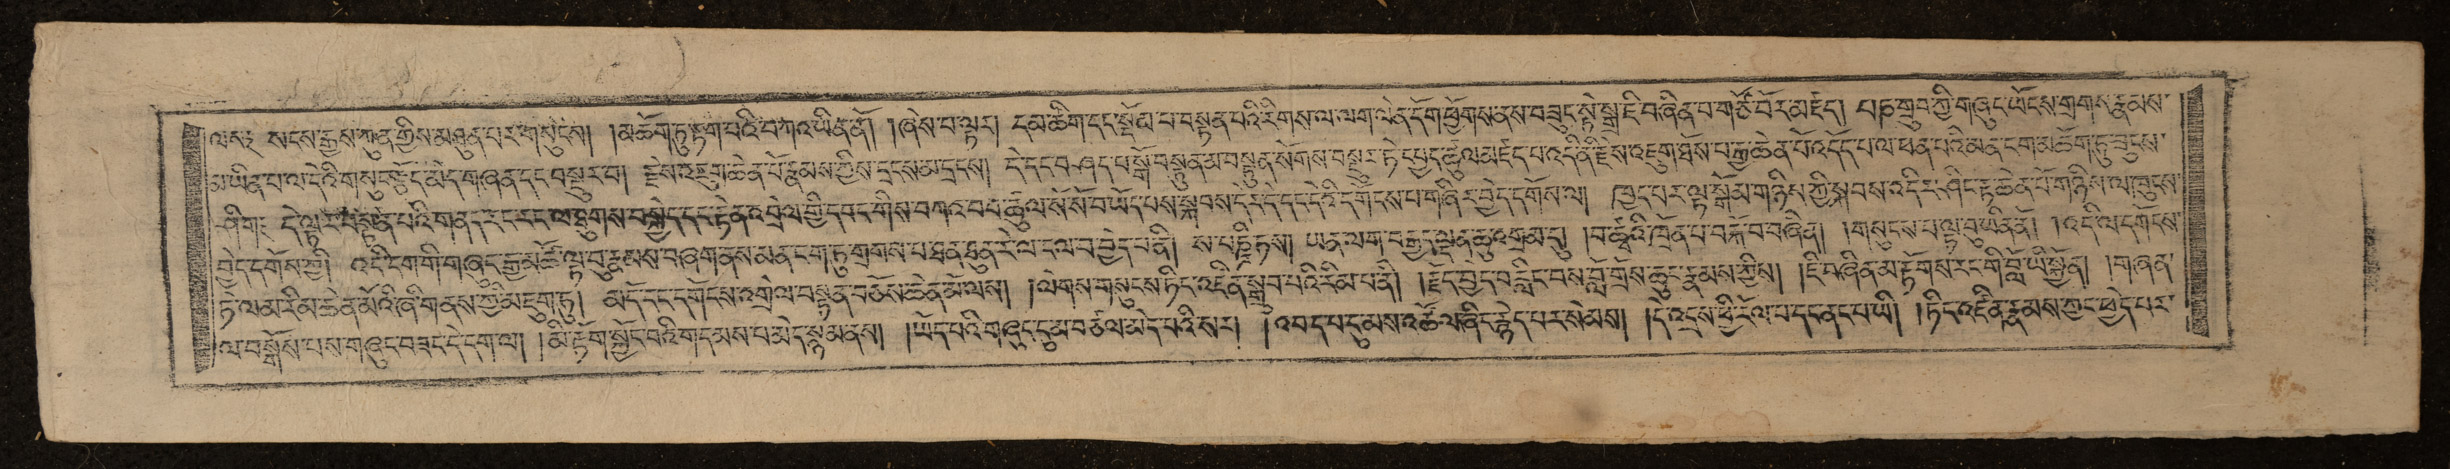ལས༑ སངས་རྒྱས་ཀུན་གྱིས་མཐུན་པར་གསུངས། །མཆོག་ཏུ་རྟག་བའི་བཀའ་ཡིན་ནོ། །ཞེས་པ་ལྟར། དམ་ཚིག་དང་སྡོམ་པ་བསྟན་པའི་རིགས་ལ་ལག་ལེན་དོག་ཕྱོགས་ནས་བཟུང་སྟེ་སྒྲ་ཇི་བཞིན་བ་གཙོ་བོར་མཛད། པཎ་གྲུབ་ཀྱི་གཞུང་ཡོངས་གྲགས་རྣམས་
མ་ཡིན་པ་ལ་དེའི་གསུང་རྩོད་མེད་གཞན་དང་བསྡུར་བ། རྗེས་འཇུག་ཆེན་པོ་རྣམས་ཀྱིས་དྲངས་མ་དྲངས། དེ་དང་བཤད་པ་སྒོ་བསྟུན་མ་བསྟུན་སོགས་བསྡུར་ཏེ་དཔྱད་ཚུལ་མཛད་པ་འདི་ནི་རྗེས་འཇུག་ཐོས་བརྒྱ་ཆེན་པོ་འདོད་པ་ལ་ཕན་པའི་མན་ངག་མཆོག་ཏུ་ཟུངས་
ཤིག༑ དེ་ལྟར་བསྟན་པའི་གནད་རང་རང་ལ་ཐུགས་བསྐྱེད་དང་རྟེན་འབྲེལ་གྱི་དབང་གིས་བཀའ་བབ་ཚུལ་སོ་སོ་བ་ཡོད་པས་སྐབས་དེར་དེ་དང་དེའི་དགོངས་པ་གཞིར་བྱེད་དགོས་ལ། ཁྱད་པར་ལྟ་སྒོམ་གཉིས་ཀྱི་སྐབས་འདིར་ཤིང་རྟ་ཆེན་པོ་གཉིས་ལ་ཁུངས་
བྱེད་དགོས་ཀྱི། འདི་དག་གི་གཞུང་རྒྱ་མཚོ་ལྟ་བུ་རྣམས་བཞག་ནས་མན་ངག་ཏུ་གྲགས་པ་ཐན་ཐུན་རེ་ལ་ངལ་བ་བྱེད་པ་ནི། ས་པཎྜི་ཏས། ཡན་ལག་བརྒྱད་ལྡན་ཆུ་འགྲམ་དུ། །བ་ཚྭའི་ཁྲོན་པ་བརྐོ་བ་བཞིན། །གསུངས་པ་ལྟ་བུ་ཡིན་ནོ། །འདི་ལ་དགོངས་
ཏེ་ལམ་རིམ་ཆེན་མོའི་ཞིག་ནས་ཀྱི་མཇུག་ཏུ། མདོ་དང་དགོངས་འགྲེལ་བསྟན་བཅོས་ཆེན་མོ་ལས། །ལེགས་གསུངས་ཏིང་འཛིན་སྒྲུབ་པའི་རིམ་པ་ནི། །རྗོད་བྱེད་པ་རླིང་བས་བློ་གྲོས་ཆུང་རྣམས་ཀྱིས། །ཇི་བཞིན་མ་རྟོགས་རང་གི་བློ་ཡི་སྐྱོན། །གཞན་
ལ་བསྒོས་པས་གཞུང་བཟང་དེ་དག་ལ། །མི་རྟོག་སྐྱོང་བའི་གདམས་བ་མེད་སྙམ་ནས། །ཡོད་པའི་གཞུང་དུ་མ་བཙལ་མེད་པའི་སར། །འབད་བ་དུ་མས་འཚོལ་ཞིང་རྙེད་པར་སེམས། །དེ་འདྲས་ཕྱི་རོལ་བ་དང་ནང་པ་ཡི། །ཏིང་འཛིན་རྣམས་ཀྱང་ཕྱེད་པར་